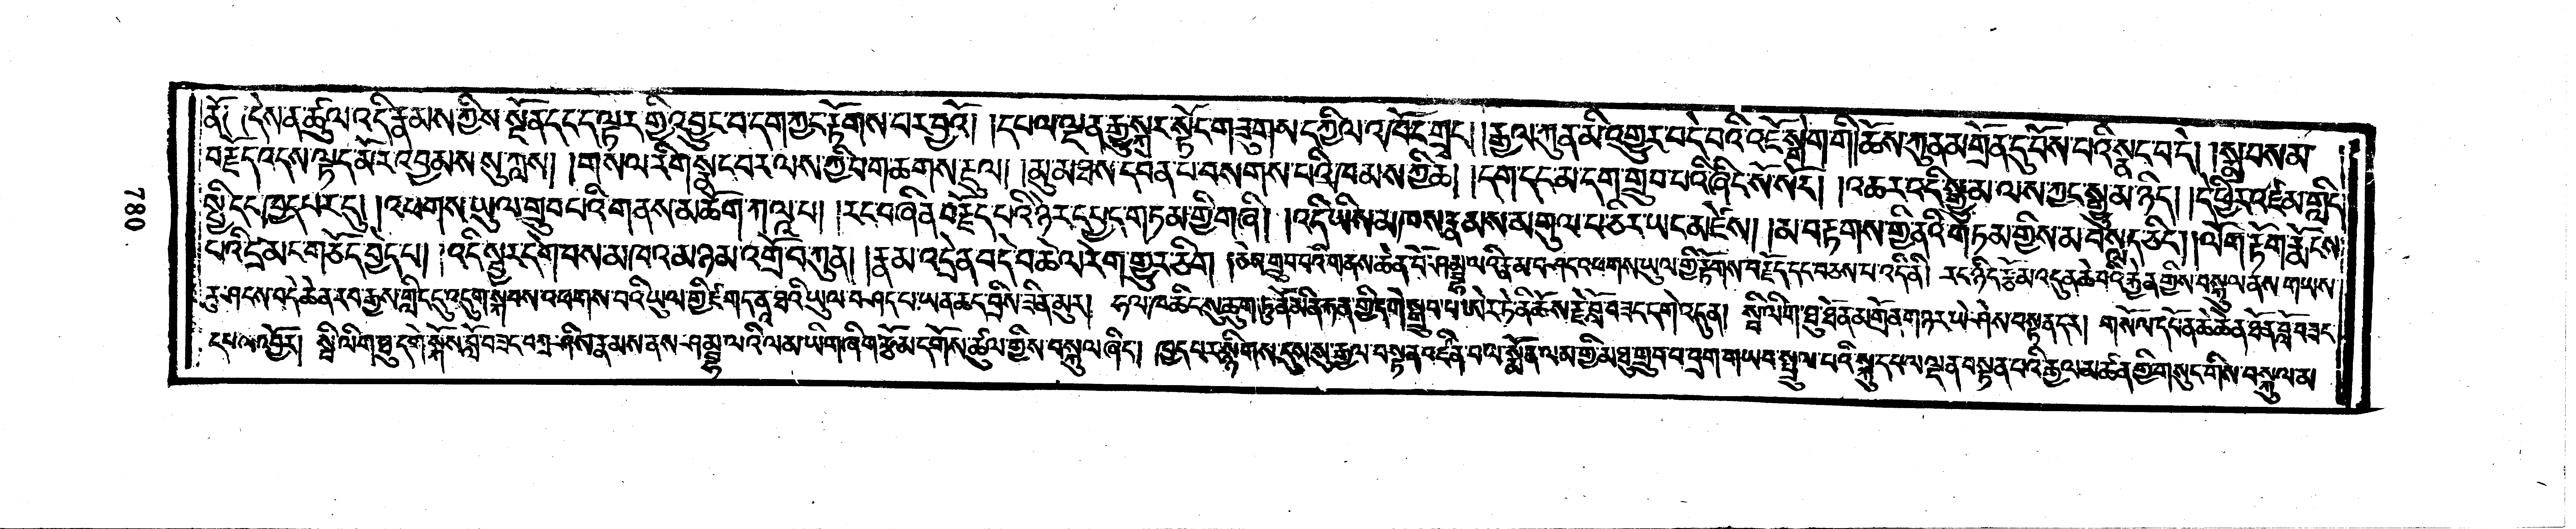ནོ༑ ༑དེས་ན་ཚུལ་འདི་རྣམས་ཀྱིས་སྔོན་དང་ད་ལྟར་གྱི་འབྱུང་བ་དག་ཀྱང་རྟོགས་པར་བྱའོ། །དཔལ་ལྡན་རྒྱུ་སྐར་སྟོང་གཟུགས་དཀྱིལ་འཁོར་གྲྭང་། །རྒྱལ་ཀུན་མི་འགྱུར་བདེ་བའི་འཇོ་སྒེག་གི། ཆོས་ཀུན་མགྲོན་དུ་བོས་པའི་སྣང་བ་དེ། །སྨྲ་བསམ་
བརྗོད་འདས་ལྟད་མོར་འབྱམས་སུ་ཀླས། །གསལ་རིག་སྣང་བར་ལས་ཀྱི་བག་ཆགས་རྡུལ། །མུ་མཐས་དབེན་པ་བསགས་པའི་ཁམས་ཀྱི་ཆ། །དག་དང་མ་དག་གྲུབ་པའི་ཞིང་སོ་སོར། །འཆར་འདི་སྒྱུ་མ་ལས་ཀྱང་སྒྱུ་མ་ཉིད། །དེ་ཕྱིར་འཛམ་གླིང་
སྤྱི་དང་ཁྱད་པར་དུ། །འཕགས་ཡུལ་གྲུབ་པའི་གནས་མཆོག་ཀ་ལཱ་པ། །རང་བཞིན་བརྗོད་པའི་ཉེར་དཔྱད་གཏམ་གྱི་གཞི། །འདི་ཡིས་མཁས་རྣམས་མགུལ་པ་ཅིར་ཡང་མཛེས། །མ་བརྟགས་གྱི་ནའི་གཏམ་གྱིས་མ་བསླད་ཅིང་། །ལོག་རྟོག་རྨོངས་
པའི་དྲ་མང་གཅོད་བྱེད་པ། །འདི་སྦྱར་དགེ་བས་མཁའ་མཉམ་འགྲོ་བ་ཀུན། །རྣམ་འདྲེན་བདེ་བ་ཆེ་ལ་རེག་གྱུར་ཅིག །ཅེས་གྲུབ་པའི་གནས་ཆེན་པོ་ཤམྦྷ་ལའི་རྣམ་བཤད་འཕགས་ཡུལ་གྱི་རྟོགས་བརྗོད་དང་བཅས་པ་འདི་ནི། རང་ཉིད་རྩོམ་འདུན་ཆེ་བའི་རྐྱེན་གྱིས་བསྐུལ་ནས་གཡས་
རུ་ཤངས་བདེ་ཆེན་རབ་རྒྱས་གླིང་དུ་འདུག་སྐབས་འཕགས་པའི་ཡུལ་གྱི་དག་ད་ནའ་ཐའ་ཡུལ་བཤད་པ་ཡན་ཆད་བྲིས་ཟིན་མུར། ཧལ་ཁ་ཅིང་སུ་ཆུག་ཏུ་ཏོ་མི་ཏན་གྱི་དགེ་སྒྲུབ་པ་ཨེར་ཏེ་ནི་ཆོས་རྗེ་བློ་བཟང་དགེ་འདུན། སྦི་ལིག་ཐུ་ཐོན་མགྲོན་གཉར་ཡེ་ཤེས་བསྟན་དར། གསོལ་དཔོ་ཆེ་ཆེན་ཐོན་བློ་བཟང་
དཔལ་འབྱོར། སྦི་ལིག་ཐུ་དགེ་སྐོས་བློ་བཟང་བཀྲ་ཤིས་རྣམས་ནས་ཤམྦྷ་ལའི་ལམ་ཡིག་ཞིག་རྩོམ་དགོས་ཚུལ་གྱིས་བསྐུལ་ཞིང་། ཁྱད་པར་སྙིགས་དུས་སུ་རྒྱལ་བསྟན་འཛིན་པ་ལ་སྨོན་ལམ་གྱི་མཐུ་གྲུབ་པ་བྲག་གཡབ་སྤྲུལ་པའི་སྐུ་དཔལ་ལྡན་བསྟན་པའི་རྒྱལ་མཚན་གྱི་གསུང་གིས་བསྐུལ་མ་